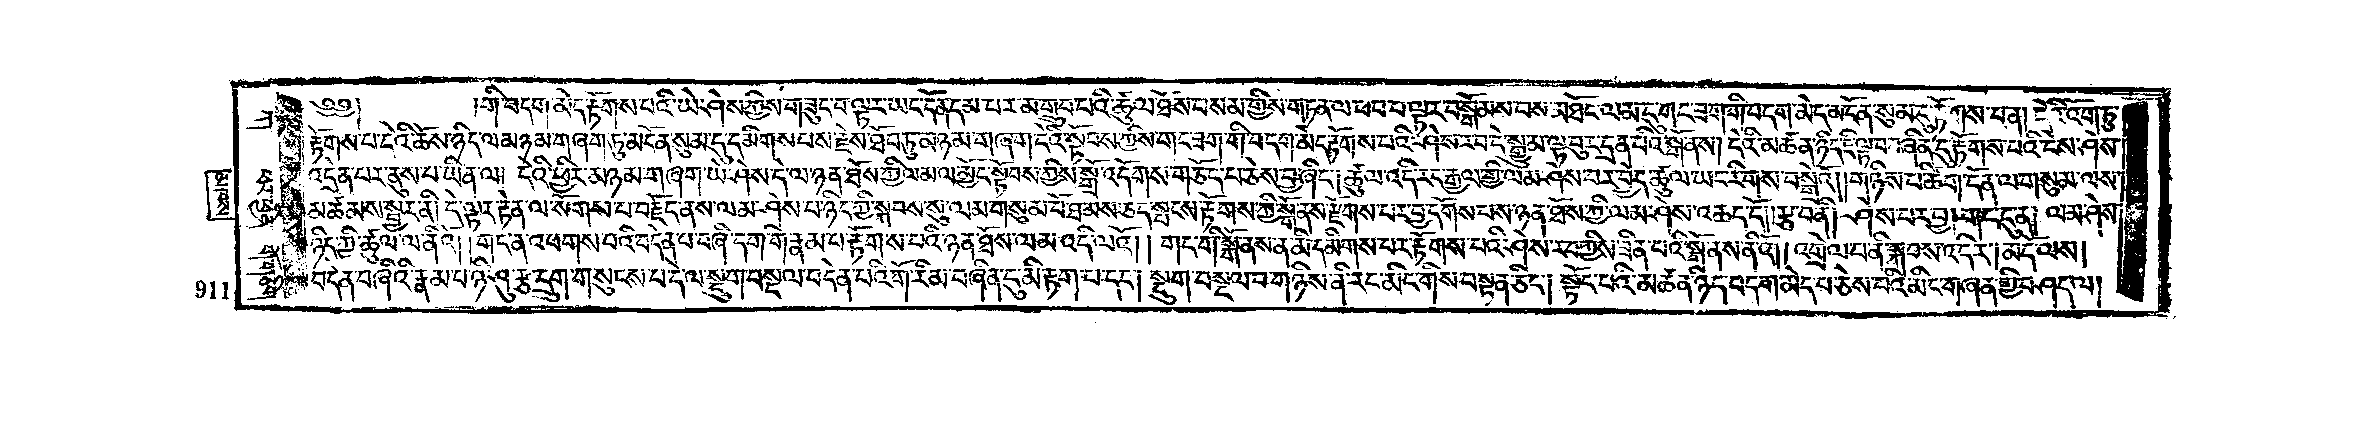༄༅། །གི་བདག་མེད་རྟོགས་པའི་ཡེ་ཤེས་ཀྱིས་གཟུང་བ་ལྟར་ཡང་དོན་དམ་པར་མ་གྲུབ་པའི་ཚུལ་ཐོས་བསམ་གྱིས་གཏན་ལ་ཕབ་པ་ལྟར་བསྒོམས་པས་མཐོང་ལམ་དུ་གང་ཟག་གི་བདག་མེད་མངོན་སུམ་དུ་རྟོགས་པ་ན། དེའི་འོག་ཏུ་
རྟོགས་པ་དེའི་ཆོས་ཉིད་ལ་མཉམ་གཞག་ཏུ་མངོན་སུམ་དུ་དམིགས་པས་རྗེས་ཐོབ་ཏུ་མཉམ་གཞག་དེའི་སྟོབས་ཀྱིས་གང་ཟག་གི་བདག་མེད་རྟོགས་པའི་ཤེས་རབ་དེ་སྒྱུ་མ་ལྟ་བུར་དྲན་པའི་སྒོ་ནས། དེའི་མཚན་ཉིད་ཇི་ལྟ་བ་བཞིན་དུ་རྟོགས་པའི་ངེས་ཤེས་
འདྲེན་པར་ནུས་པ་ཡིན་ལ། དེའི་ཕྱིར་མཉམ་གཞག་ཡེ་ཤེས་དེ་ལ་ཉན་ཐོས་ཀྱི་ལམ་ལ་མྱོང་སྟོབས་ཀྱིས་སྒྲོ་འདོགས་གཅོད་པ་ཅེས་བྱ་ཞིང་། ཚུལ་འདི་རང་རྒྱལ་གྱི་ལམ་ཤེས་པར་བྱེད་ཚུལ་ཡང་རིགས་བསྒྲེའོ། །གཉིས་པ་ཚིག་དོན་ལ་གསུམ་ལས་
མཚམས་སྦྱར་ནི། དེ་ལྟར་རྟེན་ལ་སོགས་པ་བརྗོད་ནས་ལམ་ཤེས་པ་ཉིད་ཀྱི་སྐབས་སུ་ལམ་གསུམ་པོ་ཐམས་ཅད་སྤངས་རྟོགས་ཀྱི་སྒོ་ནས་རྫོགས་པར་བྱ་དགོས་པས་ཉན་ཐོས་ཀྱི་ལམ་ཤེས་འཆད་དོ། །རྩ་བ་ནི། ཤེས་པར་བྱ། གང་དུ་ན། ལམ་ཤེས་
ཉིད་ཀྱི་ཚུལ་ལ་ནིའོ། །གང་ན་འཕགས་པའི་བདེན་པ་བཞི་དག་གི་རྣམ་པ་རྟོགས་པའི་ཉན་ཐོས་ལམ་འདི་ལའོ། །གང་གི་སྒོ་ནས་ན་མི་དམིགས་པར་རྟོགས་པའི་ཤེས་རབ་ཀྱིས་ཟིན་པའི་སྒོ་ནས་ནིའོ། །འགྲེལ་བ་ནི་སྐབས་འདིར། མདོ་ལས།
བདེན་བཞིའི་རྣམ་པ་ཉི་ཤུ་རྩ་དྲུག་གསུངས་པ་དེ་ལ་སྡུག་བསྔལ་བདེན་པའི་གོ་རིམ་བཞིན་དུ་མི་རྟག་པ་དང་། སྡུག་བསྔལ་བ་གཉིས་ནི་རང་མིང་གིས་བསྟན་ཅིང་། སྟོང་བའི་མཚན་ཉིད་བདག་མེད་པ་ཅེས་པའི་མིང་གཞན་གྱི་བཤད་ལ།